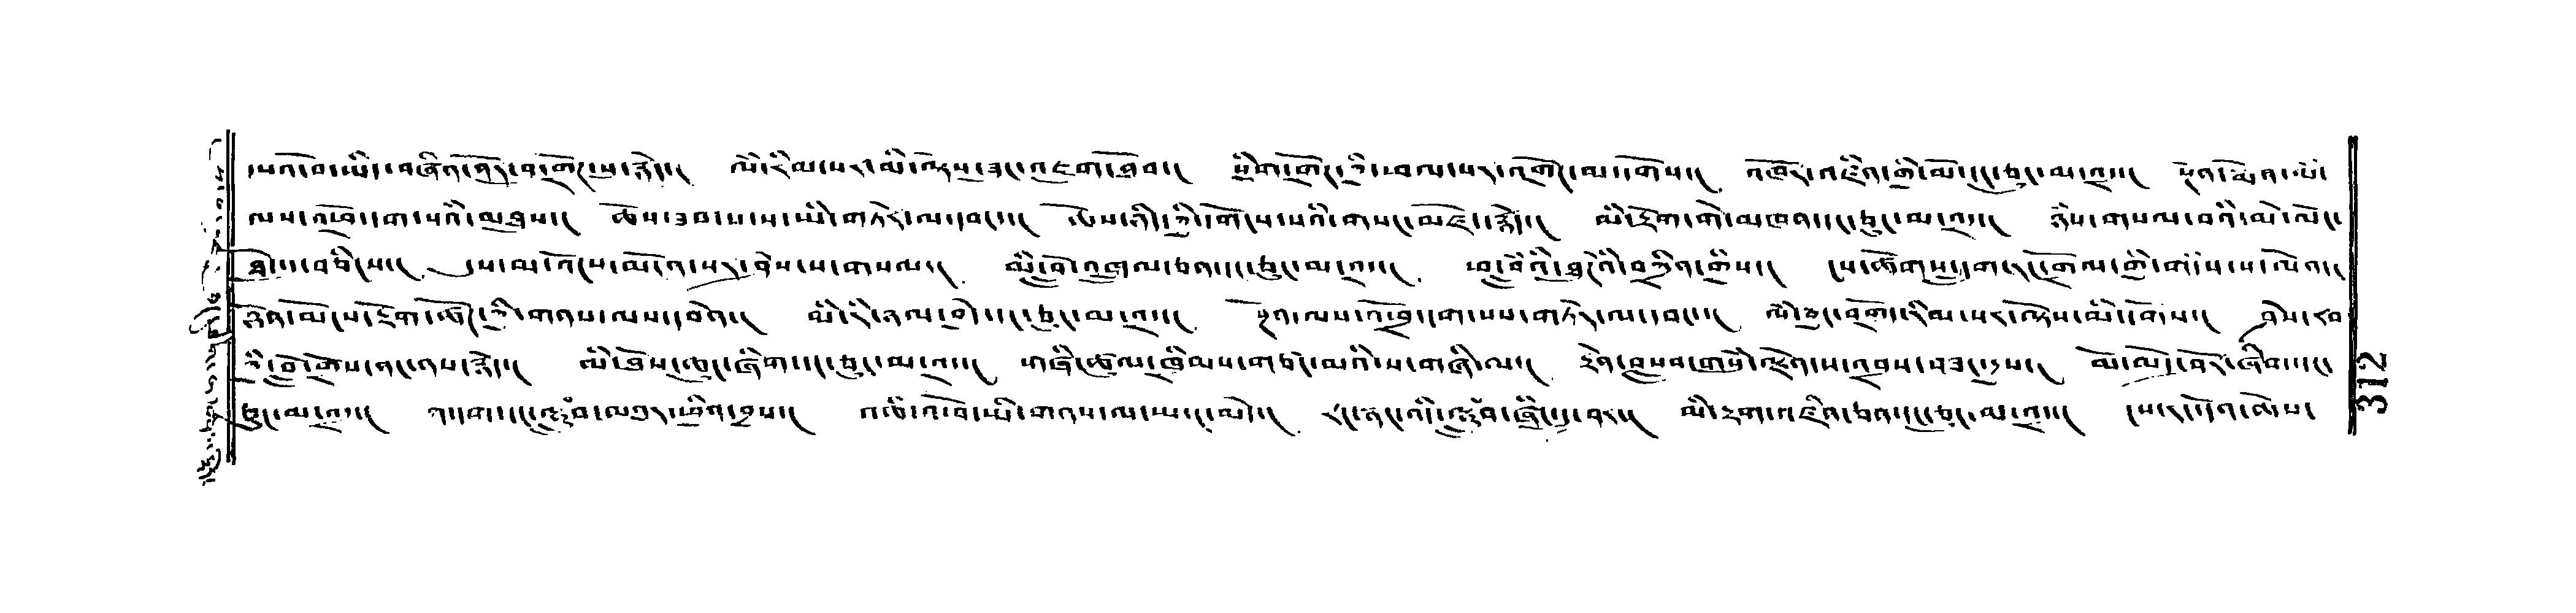།དཔའ་བོ་ཡིད་བཞིན་ནོར་བུ་གྲོགས་སུ་རྙེད། ལམ་རིམ་པར་མི་ལྟོས་ཟུང་འཇུག་ཐོབ། །སྡིག་གྲོགས་ཀྱི་ཕལ་པར་འགྲོགས་མ་དགོས། །འཁོར་འཛིན་གྱི་མོ་དང་ཅུང་མ་འདྲ། །སྔོན་སྨོན་ལམ་
ལས་འཕྲོ་དག་པའི་མཐུས། །ཆོས་ཟབ་པ་ས་ཡི་གཏེར་ལ་དབང་། །ཆོས་ཉིད་ཀྱི་དགོངས་པའི་གསང་མཛོད་རྙེད། །མི་རྟོག་གེ་མཁན་དང་ཅུང་མ་འདྲ། །ཉམས་གསལ་བའི་མེ་ལོང་
ཐོད་དུ་བཅིངས། །དུས་མ་འོངས་མངོན་པར་ཤེས་པ་གསལ། །མི་བློ་འཁྲུལ་ཅན་དང་ཅུང་མ་འདྲ། །ཕ་བླ་མའི་ཐུགས་རྗེའི་བཀའ་དྲྀན་གྱིས། །ངས་ཚོགས་དྲུག་རང་གྲོལ་གྱི་གདམས་པ་ལེན། །
ཉོན་མོངས་རྟོག་ཚོགས་ཀྱི་གནས་ལས་དབེན། །མི་རི་ཉལ་བྱེད་དང་ཅུང་མ་འདྲ། །སྔོན་ལས་འཕྲོ་དག་པས་གཏེར་ལ་དབང་། །ལམ་སྦྱང་བགྲོད་རིམ་པར་ལྟོས་མི་དགོས། །ཤེས་རབ་
ཀྱི་བློ་གྲོས་ནང་ནས་རྙེད། །མི་ཐོས་ཆུང་ཞིག་དང་ཅུང་མ་འདྲ། །གཞི་ཚུལ་ཁྲིམས་གཙང་མའི་ས་གཞི་ལ། །རྟེན་བསླབ་གསུམ་ལྗོན་པའི་འབྲས་བཟང་རྒྱས། །མོ་མདོ་ཤོར་ཞིག་དང་
ཅུང་མ་འདྲ། །ཀ་དག་དང་ལྷུན་གྲུབ་མཐར་ཕྱིན་བྱས། །འཆི་འཕོ་ཡིས་གནས་ལ་ཡ་ང་མེད། །རང་སྣང་འདི་ལྷུན་གྲུབ་ཞིང་དུ་ཤར། །མི་རྟག་འཛིན་ཅན་དང་ཅུང་མ་འདྲ། །ངས་རང་དོན་ཆོས་